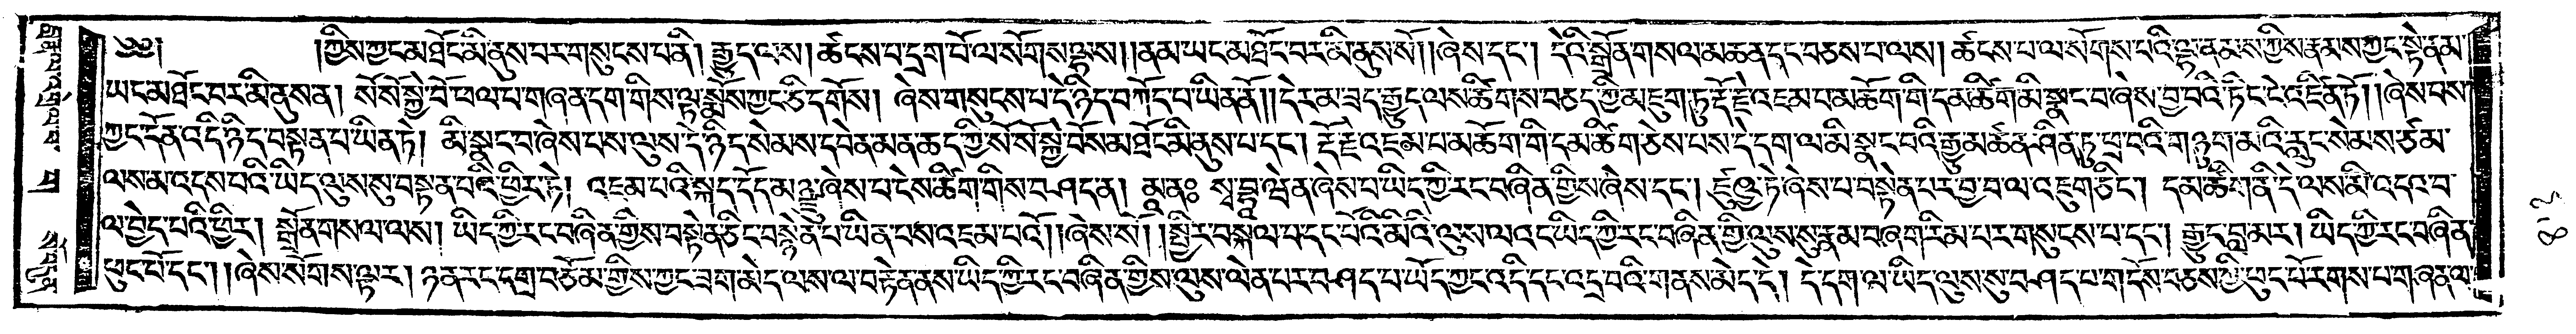༄༅། །ཀྱིས་ཀྱང་མཐོང་མི་ནུས་པར་གསུངས་པ་ནི། རྒྱུད་ལས། ཚངས་པ་དྲག་པོ་ལ་སོགས་ལྷས། །ནམ་ཡང་མཐོང་བར་མི་ནུས་སོ། །ཞེས་དང་། དེའི་སྒྲོན་གསལ་མཆན་དང་བཅས་པ་ལས། ཚངས་པ་ལ་སོགས་པའི་ལྷན་མས་ཀྱིས་རྣམས་ཀྱང་སྟེན་མ་
ཡང་མཐོང་བར་མི་ནུས་ན། སོ་སོ་སྐྱེ་བོ་ཕལ་བ་གཞན་དག་གིས་ལྟ་སྨོས་ཀྱང་ཅི་དགོས། ཞེས་གསུངས་པ་དེ་ཉིད་བཀོད་པ་ཡིན་ནོ། །དེར་མ་ཟད་རྒྱུད་ལས་ཚིགས་བཅད་ཀྱི་མཇུག་ཏུ་རྡོ་རྗེ་འཇམ་པ་མཆོག་གི་དམ་ཚིག་མི་སྣང་བ་ཞེས་བྱ་བའི་ཏིང་ངེ་འཛིན་ཏོ། །ཞེས་པས་
ཀྱང་དོན་འདི་ཉིད་བསྟན་པ་ཡིན་ཏེ། མི་སྣང་བ་ཞེས་པས་ལུས་དེ་ཉིད་སེམས་དབེན་མན་ཆད་ཀྱི་སོ་སོ་སྐྱེ་བོས་མཐོང་མི་ནུས་པ་དང་། རྡོ་རྗེ་འཇམ་པ་མཆོག་གི་དམ་ཚིག་ཅེས་པས་དེ་དག་ལ་མི་སྣང་བའི་རྒྱུ་མཚན་ཤིན་ཏུ་ཕྲ་བའི་གཉུག་མའི་རླུང་སེམས་ཙམ་
ལས་མ་འདས་པའི་ཡིད་ལུས་སུ་བསྟན་པའི་ཕྱིར་ཏེ། འཇམ་པའི་སྐད་དོད་མཉྫུ་ཞེས་པ་ངེས་ཚིག་གིས་བཤད་ན། མཱནཿསྭབྷཱ་ཝེན་ཞེས་པ་ཡིད་ཀྱི་རང་བཞིན་གྱིས་ཞེས་དང་། ཛུཥྱ་ཏེ་ཞེས་པ་བསྟེན་པར་བྱ་བ་ལ་འཇུག་ཅིང་། དམ་ཚིག་ནི་དེ་ལས་མི་འདའ་བ་
ལ་བྱེད་པའི་ཕྱིར། སྒོན་གསལ་ལས། ཡིད་ཀྱི་རང་བཞིན་གྱིས་བསྟེན་ཅིང་བསྙེན་པ་ཡིན་པས་འཇམ་པའོ། །ཞེས་སོ། །སྤྱིར་བསྐལ་བ་དང་པོའི་མིའི་ལུས་ལའང་ཡིད་ཀྱི་རང་བཞིན་གྱི་ལུས་སུ་རྣམ་བཞག་རིམ་པར་གསུངས་པ་དང་། རྒྱུད་བླ་མར། ཡིད་ཀྱི་རང་བཞིན་
ཕུང་པོ་དང་། །ཞེས་སོགས་ལྟར། ཉན་རང་དགྲ་བཅོམ་གྱིས་ཀྱང་ཟག་མེད་ལས་ལ་བརྟེན་ནས་ཡིད་ཀྱི་རང་བཞིན་གྱིས་ལུས་ལེན་པར་བཤད་པ་ཡོད་ཀྱང་འདི་དང་འདྲ་བའི་གནས་མེད་དེ། དེ་དག་ལ་ཡིད་ལུས་སུ་བཤད་པ་གདོས་བཅས་ཀྱི་ཕུང་པོ་རགས་པ་གཞན་ལ་